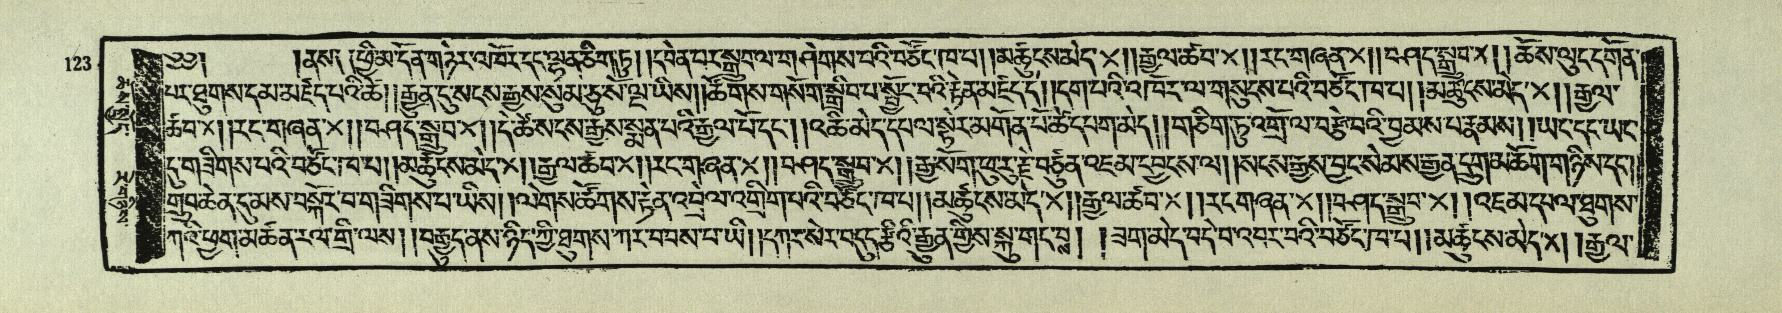༄༅། །ནས༑ ༑ཕྱི་མ་དོན་གཉེར་འཁོར་དང་ལྷན་ཅིག་ཏུ། །དབེན་པར་སྒྲུབ་ལ་གཤེགས་བའི་བཙོང་ཁ་པ། །མཚུངས་མེད་྾། །རྒྱལ་ཚབ་྾་། །རང་གཞན་྾་། །བཤད་སྒྲུབ་྾་། ཆོས་ལུང་དགོན་
པར་ཐུགས་དམ་མཛད་པའི་ཚེ། །རྒྱུན་དུ་སངས་རྒྱས་སུམ་ཅུ་སོ་ལྔ་ཡིས། །ཚོགས་གསོག་སྒྲིབ་པ་སྦྱོང་བའི་རྟེན་མཛད་དེ། །དག་པའི་འཁོར་ལ་གསུངས་པའི་བཙོང་ཁ་པ། །མཚུངས་མེད་྾། །རྒྱལ་
ཚབ་྾། །རང་གཞན་྾། །བཤད་སྒྲུབ་྾། །དེ་ཚེ་སངས་རྒྱས་སྨན་པའི་རྒྱལ་པོ་དང་། །འཆི་མེད་དཔལ་སྟེར་མགོན་པོ་ཚེ་དཔག་མེད། །གཅིག་ཏུ་འགྲོ་ལ་བརྩེ་བའི་བྱམས་པ་རྣམས། །ཡང་དང་ཡང་
དུ་གཟིགས་པའི་བཙོང་ཁ་པ། །མཚུངས་མེད་྾། །རྒྱལ་ཚབ་྾། །རང་གཞན་྾། །བཤད་སྒྲུབ་྾། །རྒྱ་སོག་ཕུ་རུ་རྗེ་བཙུན་འཇམ་དབྱངས་ལ། །སངས་རྒྱས་བྱང་སེམས་རྒྱན་དྲུག་མཆོག་གཉིས་དང་། །
གྲུབ་ཆེན་དུ་མས་བསྐོར་བ་གཟིགས་པ་ཡིས། །ལེགས་ཚོགས་རྟེན་འབྲེལ་འགྲིག་པའི་བཙོང་ཁ་པ། །མཚུངས་མེད་྾། །རྒྱལ་ཚབ་྾། །རང་གཞན་྾། །བཤད་སྒྲུབ་྾། །འཇམ་དཔལ་ཐུགས་
ཀའི་ཕྱག་མཚན་རལ་གྲི་ལས། །བརྒྱུད་ནས་ཉིད་ཀྱི་ཐུགས་ཀར་བབས་པ་ཡི། །དཀར་སེར་བདུད་རྩིའི་རྒྱུན་གྱིས་སྐུ་གང་བས། །ཟག་མེད་བདེ་བ་འབར་བའི་བཙོང་ཁ་པ། །མཚུངས་མེད་྾། །རྒྱལ་